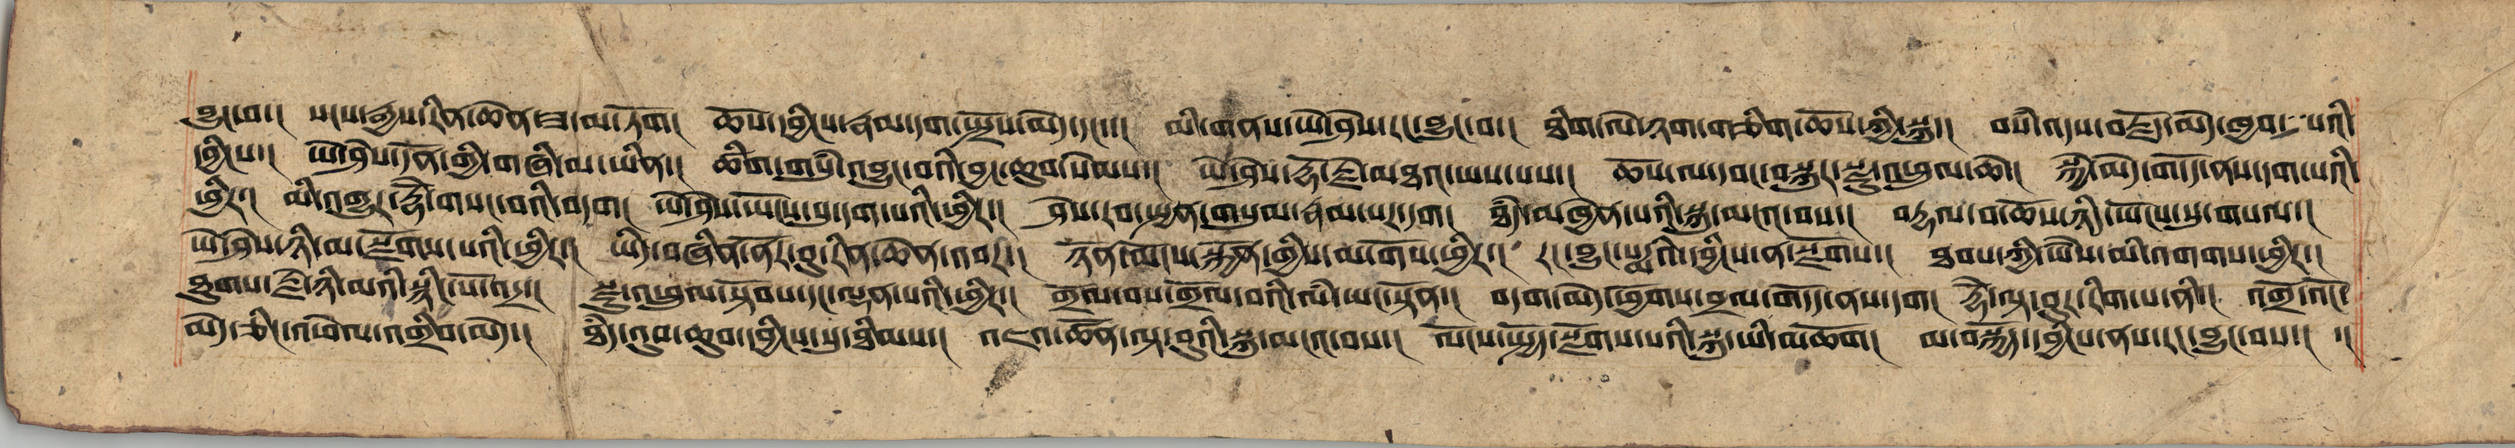བྱུང་བ་། སངས་རྒྱས་རིན་ཆེན་ཟ་མ་ཏོག། ཆོས་དབྱིངས་རྣམ་དག་སྤྲོས་མེད་དང་་། མི་གནས་ཡེ་ཤེས་རང་བྱུང་བ་། ཐིག་ལེ་ཉག་གཅིག་ཆོས་ཀྱི་སྐུ་། བསཾ་འདས་བརྗོད་མེད་ཁྱབ་པའི་
དབྱིངས་། ཡེ་ཤེས་དོན་གྱི་གཞི་མ་ཡིན་། ཚིག་གསུཾ་འབྱུང་བའི་བྱང་ཆུབ་སེམས་། ཡེ་ཤེས་རྡོ་རྗེ་མཐའ་ཡས་པས་། ཆོས་ལ་དབང་བསྐུར་སྫུ་འཕྲུལ་ཆེ་། སྐྱེ་མེད་གདོད་ནས་དག་པའི་
ཕྱིར་། མི་འགྱུར་རྡོཻ་གསང་བའི་བདག། ཡེ་ཤེས་ཡོངས་སུ་དག་པའི་ཕྱིར་། ཤེས་རབ་སྤྱན་གསུམ་རྣམ་པར་དག། ཐཾད་མཁྱེན་པའི་སྐུ་མངའ་བས་། བརྡལ་བ་ཆོས་ཉིད་ཡོངས་སུ་གསལ་།
ཡེ་ཤེས་ཉི་མ་སྫོགས་པའི་ཕྱིར་། ཡིད་བཞིན་ནོར་བུ་རིན་ཆེན་འབར་། ཉོན་མོངས་སྐྱོན་གྱིས་མ་གོས་ཕྱིར་། རང་བྱུང་པདྨའི་དབྱིངས་ན་སྫོགས་། ཐབས་ཀྱི་ཡཻས་མི་འགགས་ཕྱིར་།
ཐུགས་རྗེ་ཉི་མའི་སྙིང་པོ་འདྲ་། སྫུ་འཕྲུལ་སྟོབས་དང་ལྡན་པའི་ཕྱིར་། གྲོལ་བས་གྲོལ་བའི་ལཾ་ཡང་སྟོན་། བདག་མེད་ཕྱོགས་བྲལ་གདོད་ནས་དག། རྡོེ་ལྟ་བུར་རིག་པ་ནི་། འགྲོ་འོང་
མེད་ཅིང་འཕེལ་འགྲིབ་མེད་། ཐཾད་འུབ་ཆུབ་དབྱིངས་སུ་ཐིམས་། འཇའ་ཚོན་ལྟ་བུའི་སྐུ་མངའ་བས་། ལོངས་སྤྱོད་སྫོགས་པའི་སྐུ་ཡི་མཆོག། མི་བསྐྱོད་དབྱིངས་ནས་རང་བྱུང་བས་།